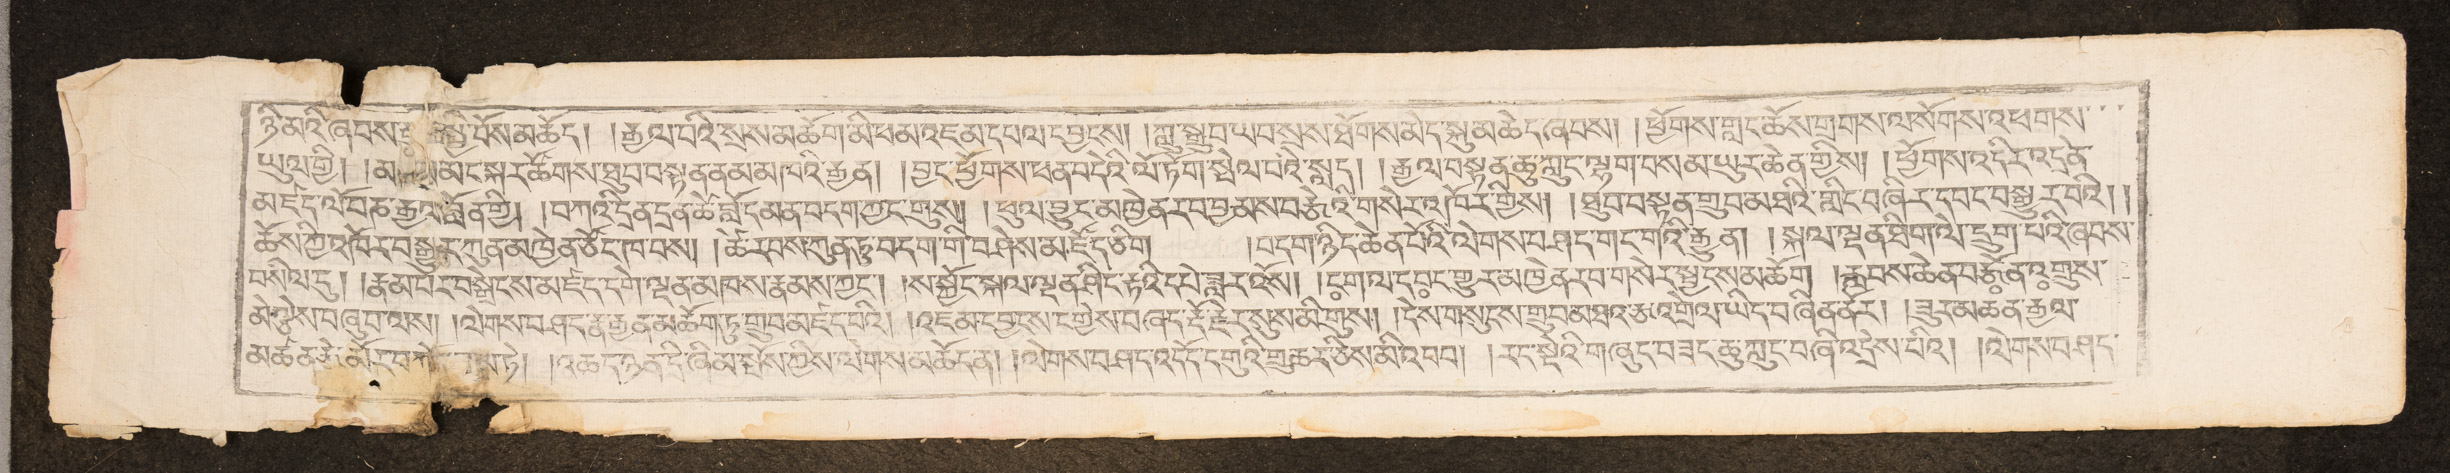ཉི་མའི་ཞབས་རྡུལ་སྤྱི་བོས་མཆོད། །རྒྱལ་བའི་སྲས་མཆོག་མི་ཕམ་འཇམ་དཔལ་དབྱངས། །ཀླུ་སྒྲུབ་ཡབ་སྲས་ཐོགས་མེད་སྐུ་མཆེད་ཞབས། །ཕྱོགས་གླང་ཆོས་གྲགས་ལ་སོགས་འཕགས་
ཡུལ་གྱི། །མཁས་མང་སྐར་ཚོགས་ཐུབ་བསྟན་ནམ་མཁའི་རྒྱན། །བྱང་ཕྱོགས་ཕན་བདེའི་ལོ་ཏོག་སྤེལ་བའི་སླད། །རྒྱལ་བསྟན་ཆུ་ཀླུང་ལྷག་བསམ་ཡུར་ཆེན་གྱིས། །ཕྱོགས་འདིར་འདྲེན་
མཛད་ལོ་པཎ་རྒྱལ་བློན་གྱི། །བཀའ་དྲིན་དྲན་ཚེ་བློ་དམན་བདག་ཀྱང་གུས། །ཕུལ་བྱུང་མཁྱེན་རབ་བྱམས་བརྩེའི་གསེར་འཁོར་གྱིས། །ཐུབ་བསྟན་གྲུབ་མཐའི་གླིང་བཞིར་དབང་བསྒྱུར་བའི། །
ཆོས་ཀྱི་འཁོར་བསྒྱུར་ཀུན་མཁྱེན་ཙོང་ཁ་པས། །ཚེ་རབས་ཀུན་ཏུ་བདག་གི་བཤེས་མཛོད་ཅིག །བདག་ཉིད་ཆེན་པོའི་ལེགས་བཤད་གང་གའི་རྒྱུན། །སྐལ་ལྡན་ཐིག་ལེ་དྲུག་པའི་ཞབས་
བསིལ་དུ། །རྣམ་པར་བསྒྲེངས་མཛད་དགེ་ལྡན་མཁས་རྣམས་ཀྱང་། །ས་སྐྱོང་སྐལ་ལྡན་ཤིང་རྟའི་དཔེ་ཟླར་འོས། །ངག་ལ་དབང་གྱུར་མཁྱེན་རབ་གསེར་སྦྱངས་མཆོག །རླབས་ཆེན་བརྩོན་འགྲུས་
མེ་ལྕེས་བཞུ་བ་ལས། །ལེགས་བཤད་རྣ་རྒྱན་མཆོག་ཏུ་གྲུབ་མཛད་པའི། །འཇམ་དབྱངས་དགྱེས་བཞད་རྡོ་རྗེར་སུས་མི་གུས། །དེས་གསུངས་གྲུབ་མཐའ་རྩ་འགྲེལ་ཡིད་བཞིན་ནོར། །ཟུར་མཆན་རྒྱལ་
མཚན་རྩེ་མོར་བཀོད་བྱས་ཏེ། །འཆད་ཉན་དྲི་ཞིམ་སྤོས་ཀྱིས་ལེགས་མཆོད་ན། །ལེགས་བཤད་འདོད་དགུའི་གྲུ་ཆར་ཅིས་མི་འབབ། །རང་སྡེའི་གཞུང་བཟང་ཆུ་ཀླུང་བཞི་འདྲེས་པའི། །ལེགས་བཤད་